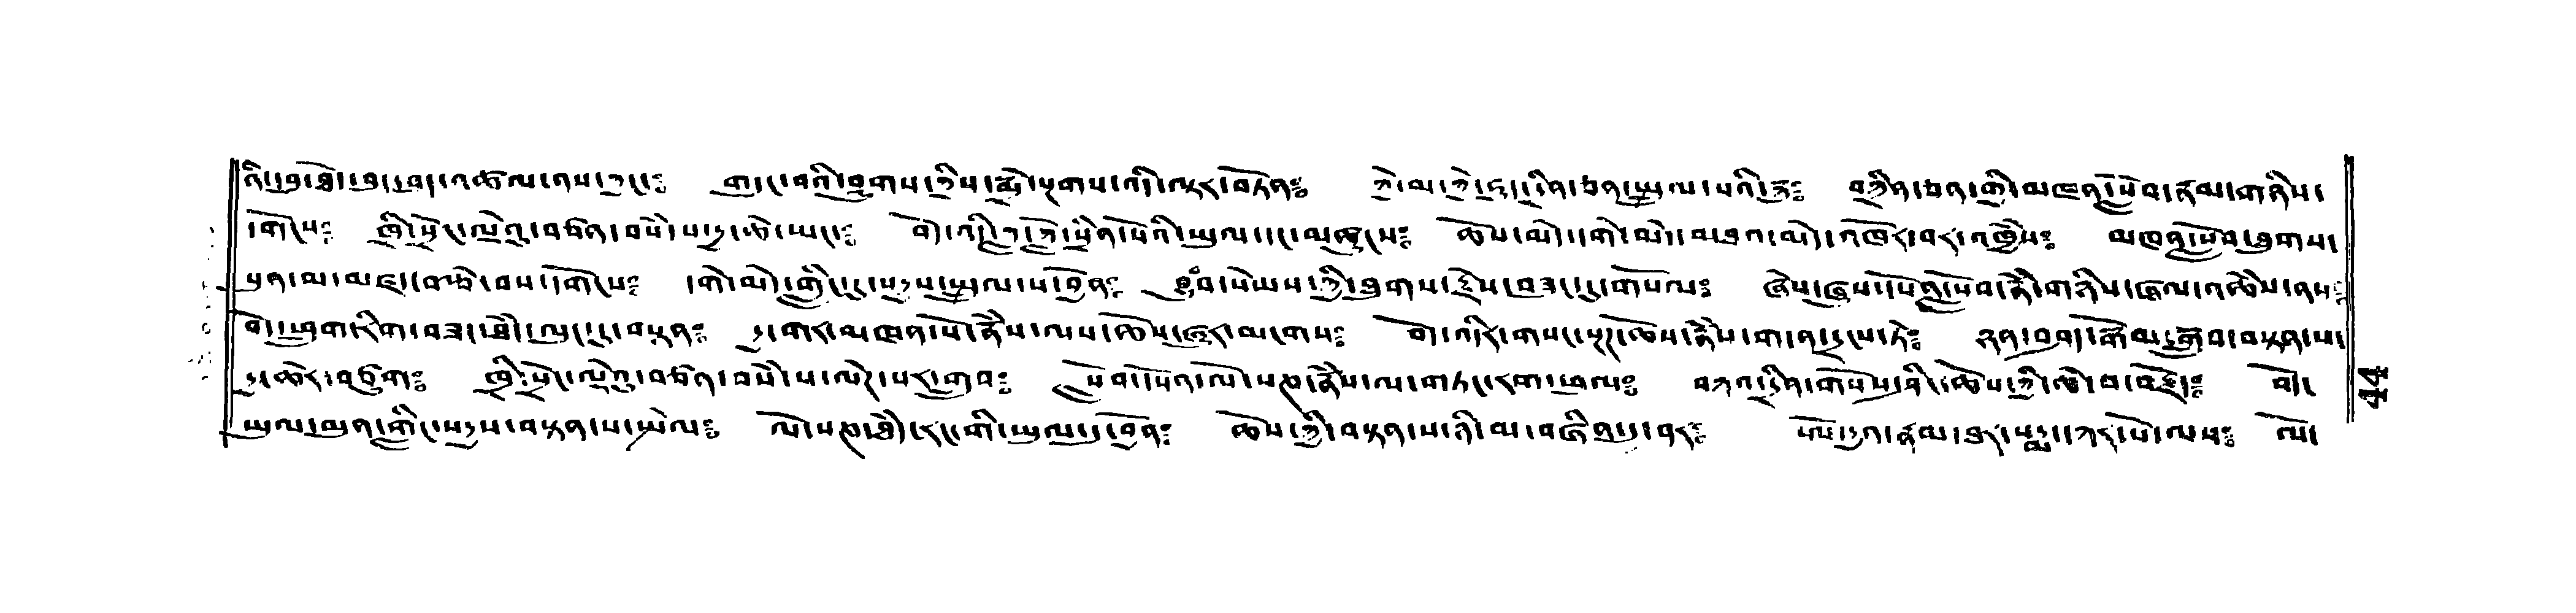ནི་དབུ་ཐོད་བུད་བུད་བཙལ་ནས་ཀྱང༔ གདུང་བའི་ཤུགས་ཀྱིས་སྨྲེ་སྔགས་འདི་ལྟར་བཏོན༔ ཀྱེ་མ་ཀྱེ་ཧུད་དྲིན་ཅན་སྤྲུལ་པའི་སྐུ༔ བཀའ་དྲེིན་ཅན་གྱི་མཁན་སློབ་རྣམ་གཉིས་
དགོངས༔ ཁྲི་སྲོང་ལྡེའུ་བཙན་བསམ་པ་རྒྱ་ཆེ་ཡང༔ བོད་ཀྱི་ཀླ་ཀློ་སྲིན་པོའི་ཡུལ་དང་མཚུངས༔ ཆོས་མེད་དགེ་མེད་མཐའ་མེད་འཁོར་བར་འཁྱམས༔ མཁན་སློབ་ཐུགས་
སུན་མ་མཛད་བརྩེ་བས་དགོངས༔ དགེ་མེད་གླིང་དུ་སངས་རྒྱས་སྤྲུལ་པ་བྱོན༔ བྱང་ཆུབ་སེམས་ཀྱི་ཐུགས་རྗེས་བཟུང་དུ་གསོལ༔ ཞེས་ཞུས་དཔོན་སློབ་རྣམ་གཉིས་ཞལ་འཆམས་ནས༔ 
བོད་ཕྲུག་རིག་བཟང་ཐམས་ཅད་ལུང་དུ་བསྟན༔ རྒྱ་གར་མཁན་པོ་རྣམས་ལས་ཆོས་ཞུར་མངགས༔ བོད་འདིར་གསང་སྔགས་ཆོས་རྣམས་གདན་དྲངས་ཏེ༔ ཉན་བཤད་སྒོམ་སྒྲུབ་བསྟན་པ་
རྒྱ་ཆེར་བཙུགས༔ ཁྲི་སྲོང་ལྡེའུ་བཙན་བསམ་པ་ལེགས་པར་གྲུབ༔ སློབ་དཔོན་ལོ་པཎ་རྣམས་ལ་གཏང་རག་ཕུལ༔ བཀའ་དྲིན་གསོས་ཤིང་ཆོས་ཀྱི་ཆེ་བ་བརྗོད༔ བོད་
ཡུལ་མུན་གླིང་སངས་རྒྱས་བསྟན་པ་སྤེལ༔ ལོ་པཎ་ཐམས་ཅད་རང་གི་ཡུལ་དུ་བྱོན༔ ཆོས་ཀྱི་བསྟན་པ་ཉི་མ་བཞིན་དུ་ཤར༔ ཨོ་རྒྱན་རྣམ་ཐར་པདྨ་དཀར་པོ་ལས༔ ལོ་